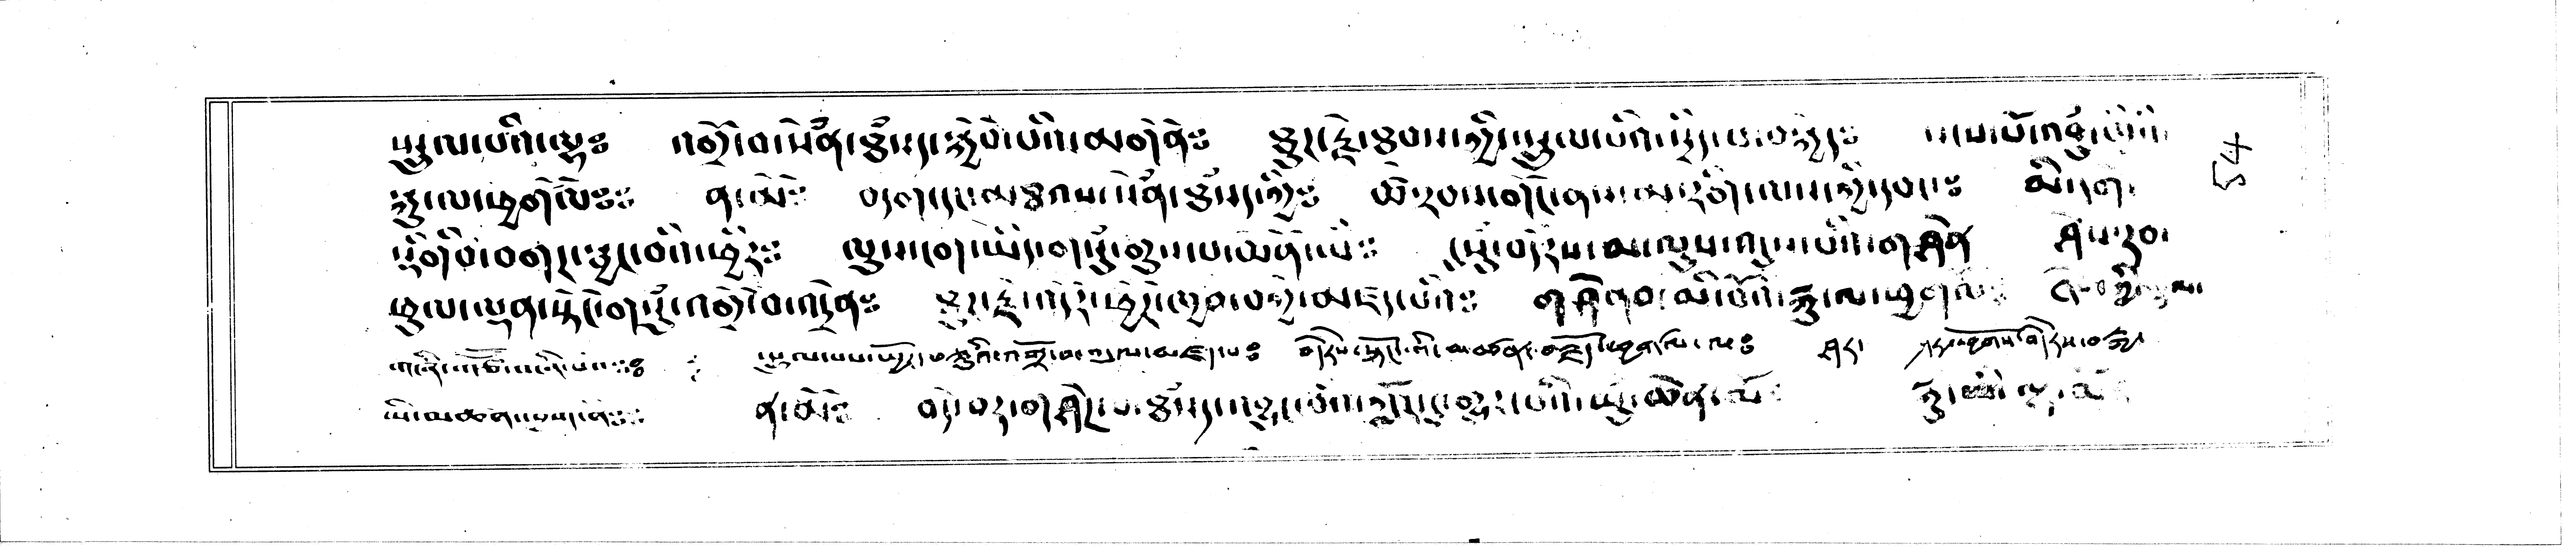སྤྲུལ་པའི་ལྷཿ འགྲོ་བ་སེམས་ཅན་ཐམས་ཅད་སྐྱོབས་པའི་མགོནཿ ཐུགས་རྗེ་ཐབས་ཀྱི་སྤྲུལ་པའི་སྲིད་པ་བསྐྱེདཿ སངས་པོ་འབུམ་ཁྲིའི་
སྐུ་ལ་ཕྱག་འཚལ་ལོཿ ན་མོ་བདག་དང་མཐའ་ཡས་སེམས་ཅན་ཐམས་ཅད་ཀྱིཿ ཚེ་རབས་གོང་ནས་མ་རིག་ལས་ཀྱི་དབངཿ མི་དགེ་
སྡིག་སྒྲིབ་བག་ཆགས་སྦྱོང་བའི་ཕྱིརཿ ལུས་ངག་ཡིད་གསུམ་གུས་པ་ཆེན་པོ་ཡིཿ དུས་གསུམ་བདེར་གཤེགས་མ་ལུས་འདུས་པའི་གཤེནཿ ཤེས་རབ་
ཕུལ་ལྡན་སྟོང་གསུམ་འགྲོ་བ་འདྲེནཿ ཐུགས་རྗེ་འོད་ཟེར་ཕྱོགས་ཁྱབ་བཀྱེ་མཛད་པའིཿ གཤེན་རབ་མི་བོའི་སྐུ་ལ་ཕྱག་འཚལ་ལོཿ ༼༽ལྷ་
བཞི་གཙོ་བོ་བཞི་པོ་འོཿ སྤྲུལ་པས་ཕྱོགས་བཅུ་འགྲོ་བ་འདུལ་མཛད་པཿ བདེར་གཤེགས་སྟོང་གི་མཚན་བརྗོད་ཕྱག་འཚལ་ལཿ ཤརཿ ཤར་ཕྱོགས་བདེར་གཤེགས་བརྒྱ་
ཡི་མཚན་ཕྱག་ནིཿ ན་མོཿ བདེ་བར་གཤེགས་པ་ཐམས་ཅད་འབྱུང་བའི་ཀློང་དུ་གྱུར་པའི་ཡུམ་ཆེན་མོཿ སྐུ་ཡི་ལྷ་མོ་